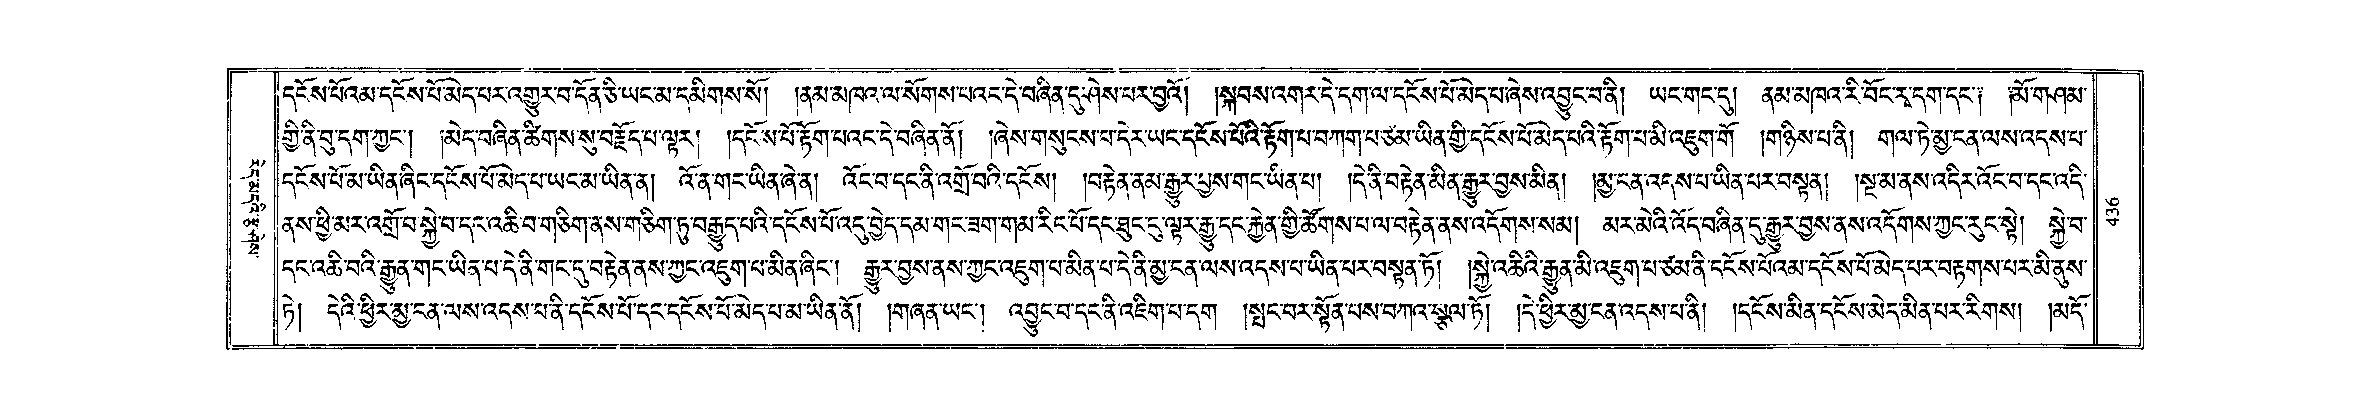དངོས་པོའམ་དངོས་པོ་མེད་པར་འགྱུར་བ་དོན་ཅི་ཡང་མ་དམིགས་སོ། །ནམ་མཁའ་ལ་སོགས་པའང་དེ་བཞིན་དུ་ཤེས་པར་བྱའོ། །སྐབས་འགར་དེ་དག་ལ་དངོས་པོ་མེད་པ་ཞེས་འབྱུང་བ་ནི། ཡང་གང་དུ། ནམ་མཁའ་རི་བོང་རྭ་དག་དང་། །མོ་གཤམ་
གྱི་ནི་བུ་དག་ཀྱང་། །མེད་བཞིན་ཚིགས་སུ་བརྗོད་པ་ལྟར། །དངོས་པོ་རྟོག་པའང་དེ་བཞིན་ནོ། །ཞེས་གསུངས་པ་དེར་ཡང་དངོས་པོའི་རྟོག་པ་བཀག་པ་ཙམ་ཡིན་གྱི་དངོས་པོ་མེད་པའི་རྟོག་པ་མི་འཇུག་གོ །གཉིས་པ་ནི། གལ་ཏེ་མྱ་ངན་ལས་འདས་པ་
དངོས་པོ་མ་ཡིན་ཞིང་དངོས་པོ་མེད་པ་ཡང་མ་ཡིན་ན། འོ་ན་གང་ཡིན་ཞེ་ན། འོང་བ་དང་ནི་འགྲོ་བའི་དངོས། །བརྟེན་ནམ་རྒྱུར་བྱས་གང་ཡིན་པ། །དེ་ནི་བརྟེན་མིན་རྒྱུར་བྱས་མིན། །མྱ་ངན་འདས་པ་ཡིན་པར་བསྟན། །སྔ་མ་ནས་འདིར་འོང་བ་དང་འདི་
ནས་ཕྱི་མར་འགྲོ་བ་སྐྱེ་བ་དང་འཆི་བ་གཅིག་ནས་གཅིག་ཏུ་བརྒྱུད་པའི་དངོས་པོ་འདུ་བྱེད་དམ་གང་ཟག་གམ་རིང་པོ་དང་ཐུང་ངུ་ལྟར་རྒྱུ་དང་རྐྱེན་གྱི་ཚོགས་པ་ལ་བརྟེན་ནས་འདོགས་སམ། མར་མེའི་འོད་བཞིན་དུ་རྒྱུར་བྱས་ནས་འདོགས་ཀྱང་རུང་སྟེ། སྐྱེ་བ་
དང་འཆི་བའི་རྒྱུན་གང་ཡིན་པ་དེ་ནི་གང་དུ་བརྟེན་ནས་ཀྱང་འཇུག་པ་མིན་ཞིང་། རྒྱུར་བྱས་ནས་ཀྱང་འཇུག་པ་མིན་པ་དེ་ནི་མྱ་ངན་ལས་འདས་པ་ཡིན་པར་བསྟན་ཏོ། །སྐྱེ་འཆིའི་རྒྱུན་མི་འཇུག་པ་ཙམ་ནི་དངོས་པོའམ་དངོས་པོ་མེད་པར་བརྟགས་པར་མི་ནུས་
ཏེ། དེའི་ཕྱིར་མྱ་ངན་ལས་འདས་པ་ནི་དངོས་པོ་དང་དངོས་པོ་མེད་པ་མ་ཡིན་ནོ། །གཞན་ཡང་། འབྱུང་བ་དང་ནི་འཇིག་པ་དག །སྤང་བར་སྟོན་པས་བཀའ་སྩལ་ཏོ། །དེ་ཕྱིར་མྱ་ངན་འདས་པ་ནི། །དངོས་མིན་དངོས་མེད་མིན་པར་རིགས། །མདོ་